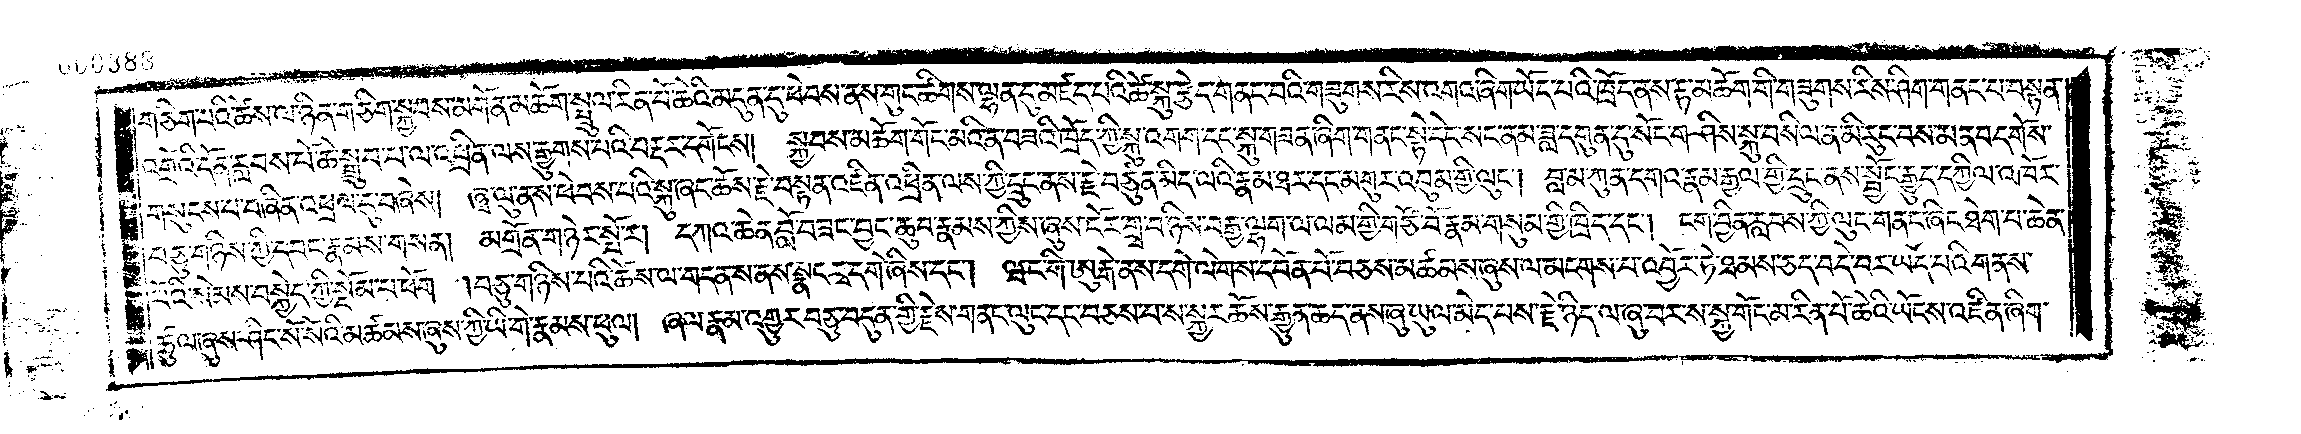གཅིག་པའི་ཚེས་ལ་ཉིན་གཅིག་སྐྱབས་མགོན་མཆོག་སྤྲུལ་རིན་པོ་ཆེའི་མདུན་དུ་ཕེབས་ནས་གུང་ཚིགས་ལྷན་དུ་མཛད་པའི་ཚེ་སྐུ་རྩེད་གནང་བའི་གཟུགས་རིས་འགའ་ཞིག་ཡོད་པའི་ཁྲོད་ནས་རྟ་མཆོག་གི་གཟུགས་རིས་ཤིག་གནང་བ་བསྟན་
འགྲོའི་དོན་རླབས་པོ་ཆེ་སྒྲུབ་པ་ལ་འཕྲིན་ལས་རྒྱུགས་པའི་བརྡར་དགོངས། སྐྱབས་མཆོག་གོང་མའི་ན་བཟའི་ཁྲོད་ཀྱི་སྐུ་འགག་དང་སྐུ་གཟན་ཞིག་གནང་སྟེ་དེང་སང་ནམ་ཟླ་དགུན་དུ་སོང་གཤིས་སྐུ་བསིལ་ན་མི་རུང་བས་མནབ་དགོས་
གསུངས་པ་བཞིན་འཕྲལ་དུ་བཞེས། ཞྭ་ལུ་ནས་ཕེབས་པའི་སྐུ་ཞང་ཆོས་རྗེ་བསྟན་འཛིན་འཕྲིན་ལས་ཀྱི་དྲུང་ནས་རྗེ་བཙུན་མིང་ལའི་རྣམ་ཐར་དང་མགུར་འབུམ་གྱི་ལུང་། བླ་མ་ཀུན་དགའ་རྣམ་རྒྱལ་གྱི་དྲུང་ནས་སྦྱོང་རྒྱུད་དཀྱིལ་འཁོར་
བཅུ་གཉིས་ཀྱི་དབང་རྣམས་གསན། མགྲོན་གཉེར་སྤོར། དཀའ་ཆེན་བློ་བཟང་བྱང་ཆུབ་རྣམས་ཀྱིས་ཞུས་ངོར་གྲྭ་བ་ཉིས་བརྒྱ་ལྷག་ལ་ལམ་གྱི་གཙོ་བོ་རྣམ་གསུམ་གྱི་ཁྲིད་དང་། ངག་བྱིན་རླབས་ཀྱི་ལུང་གནང་ཞིང་ཐེག་པ་ཆེན་
པོའི་སེམས་བསྐྱེད་ཀྱི་སྡོམ་པ་ཕོག །བཅུ་གཉིས་པའི་ཚེས་ལ་གདན་ས་ནས་སྣང་རྭ་དགེ་ཞིས་དང་། ཝང་གི་ཨུརྒེ་ནས་དགེ་ལེགས་དབོན་པོ་བཅས་མཚམས་ཞུས་ལ་མངགས་པ་འབྱོར་ཏེ་ཐམས་ཅད་བདེ་བར་ཡོད་པའི་གནས་
ཚུལ་ཞུས་ཤིང་སོ་སོའི་མཚམས་ཞུས་ཀྱི་ཡི་གེ་རྣམས་ཕུལ། ཞལ་རྣམ་འགྱུར་བཅུ་བདུན་གྱི་རྗེས་གནང་ལུང་དང་བཅས་པ་ས་སྐྱར་ཆོས་རྒྱུན་ཆད་ནས་ཞུ་ཡུལ་མེད་པས་རྗེ་ཉིད་ལ་ཞུ་བར་ས་སྐྱ་གོང་མ་རིན་པོ་ཆེའི་ཡོངས་འཛིན་ཞིག་